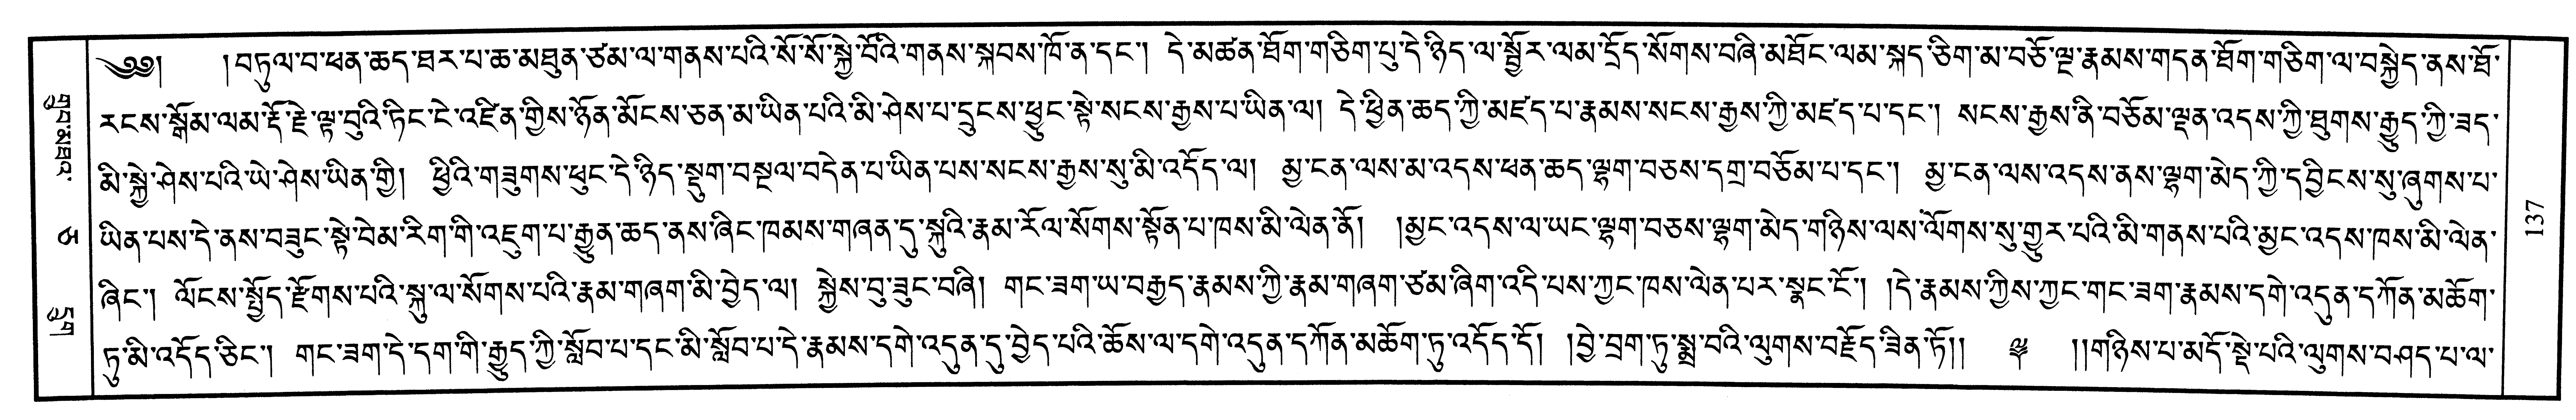༄༅། །བཏུལ་བ་ཕན་ཆད་ཐར་པ་ཆ་མཐུན་ཙམ་ལ་གནས་པའི་སོ་སོ་སྐྱེ་བོའི་གནས་སྐབས་ཁོ་ན་དང་། དེ་མཚན་ཐོག་གཅིག་པུ་དེ་ཉིད་ལ་སྦྱོར་ལམ་དྲོད་སོགས་བཞི་མཐོང་ལམ་སྐད་ཅིག་མ་བཅོ་ལྔ་རྣམས་གདན་ཐོག་གཅིག་ལ་བསྐྱེད་ནས་ཐོ་
རངས་སྒོམ་ལམ་རྡོ་རྗེ་ལྟ་བུའི་ཏིང་ངེ་འཛིན་གྱིས་ཉོན་མོངས་ཅན་མ་ཡིན་པའི་མི་ཤེས་པ་དྲུངས་ཕྱུང་སྟེ་སངས་རྒྱས་པ་ཡིན་ལ། དེ་ཕྱིན་ཆད་ཀྱི་མཛད་པ་རྣམས་སངས་རྒྱས་ཀྱི་མཛད་པ་དང་། སངས་རྒྱས་ནི་བཅོམ་ལྡན་འདས་ཀྱི་ཐུགས་རྒྱུད་ཀྱི་ཟད་
མི་སྐྱེ་ཤེས་པའི་ཡེ་ཤེས་ཡིན་གྱི། ཕྱིའི་གཟུགས་ཕུང་དེ་ཉིད་སྡུག་བསྔལ་བདེན་པ་ཡིན་པས་སངས་རྒྱས་སུ་མི་འདོད་ལ། མྱ་ངན་ལས་མ་འདས་ཕན་ཆད་ལྷག་བཅས་དགྲ་བཅོམ་པ་དང་། མྱ་ངན་ལས་འདས་ནས་ལྷག་མེད་ཀྱི་དབྱིངས་སུ་ཞུགས་པ་
ཡིན་པས་དེ་ནས་བཟུང་སྟེ་བེམ་རིག་གི་འཇུག་པ་རྒྱུན་ཆད་ནས་ཞིང་ཁམས་གཞན་དུ་སྐུའི་རྣམ་རོལ་སོགས་སྟོན་པ་ཁས་མི་ལེན་ནོ། མྱང་འདས་ལ་ཡང་ལྷག་བཅས་ལྷག་མེད་གཉིས་ལས་ལོགས་སུ་གྱུར་པའི་མི་གནས་པའི་མྱང་འདས་ཁས་མི་ལེན་
ཞིང་། ལོངས་སྤྱོད་རྫོགས་པའི་སྐུ་ལ་སོགས་པའི་རྣམ་གཞག་མི་བྱེད་ལ། སྐྱེས་བུ་ཟུང་བཞི། གང་ཟག་ཡ་བརྒྱད་རྣམས་ཀྱི་རྣམ་གཞག་ཙམ་ཞིག་འདི་པས་ཀྱང་ཁས་ལེན་པར་སྣང་ངོ། །དེ་རྣམས་ཀྱིས་ཀྱང་གང་ཟག་རྣམས་དགེ་འདུན་དཀོན་མཆོག་
ཏུ་མི་འདོད་ཅིང་། གང་ཟག་དེ་དག་གི་རྒྱུད་ཀྱི་སློབ་པ་དང་མི་སློབ་པ་དེ་རྣམས་དགེ་འདུན་དུ་བྱེད་པའི་ཆོས་ལ་དགེ་འདུན་དཀོན་མཆོག་ཏུ་འདོད་དོ། །བྱེ་བྲག་ཏུ་སྨྲ་བའི་ལུགས་བརྗོད་ཟིན་ཏོ།། ༈ །།གཉིས་པ་མདོ་སྡེ་པའི་ལུགས་བཤད་པ་ལ་